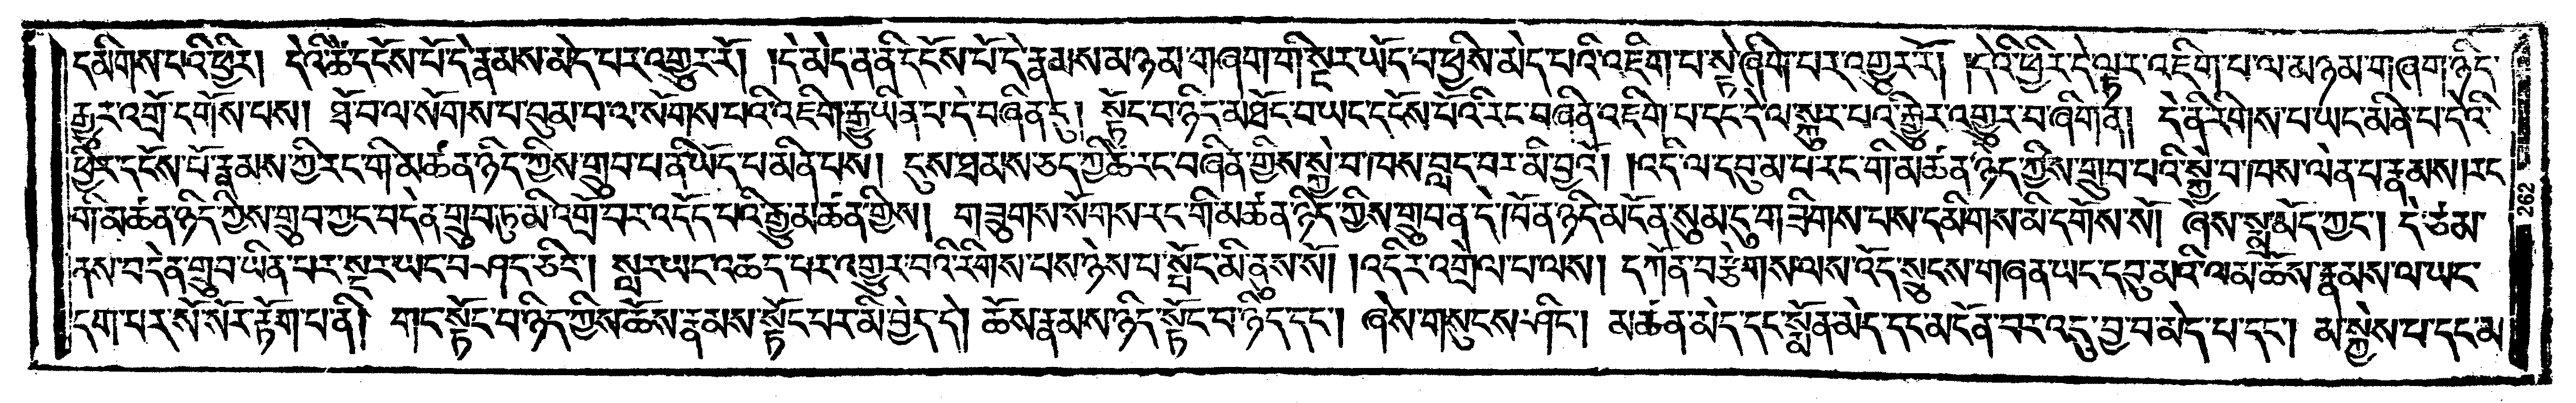དམིགས་པའི་ཕྱིར། དེའི་ཚེ་དངོས་པོ་དེ་རྣམས་མེད་པར་འགྱུར་རོ། །དེ་མེད་ན་ནི་དངོས་པོ་དེ་རྣམས་མཉམ་གཞག་གི་སྔར་ཡོད་པ་ཕྱིས་མེད་པའི་འཇིག་པ་སྟེ་ཞིག་པར་འགྱུར་རོ། །དེའི་ཕྱིར་དེ་ལྟར་འཇིག་པ་ལ་མཉམ་གཞག་ཉིད་
རྒྱུར་འགྲོ་དགོས་པས། ཐོ་བ་ལ་སོགས་པ་བུམ་པ་ལ་སོགས་པའི་འཇིག་རྒྱུ་ཡིན་པ་དེ་བཞིན་དུ། སྟོང་པ་ཉིད་མཐོང་བ་ཡང་དངོས་པོའི་རང་བཞིན་འཇིག་པ་དང་དེ་ལ་སྐུར་བའི་རྒྱུར་འགྱུར་བ་ཞིག་ན། དེ་ནི་རིགས་པ་ཡང་མིན་པ་དེའི་
ཕྱིར་དངོས་པོ་རྣམས་ཀྱི་རང་གི་མཚན་ཉིད་ཀྱིས་གྲུབ་པ་ནི་ཡོད་པ་མིན་པས། དུས་ཐམས་ཅད་ཀྱི་ཚེ་རང་བཞིན་གྱིས་སྐྱེ་བ་ཁས་བླང་བར་མི་བྱའོ། །འདི་ལ་དབུ་མ་པ་རང་གི་མཚན་ཉིད་ཀྱིས་གྲུབ་པའི་སྐྱེ་བ་ཁས་ལེན་པ་རྣམས། རང་
གི་མཚན་ཉིད་ཀྱིས་གྲུབ་ཀྱང་བདེན་གྲུབ་ཏུ་མི་འགྲོ་བར་འདོད་པའི་རྒྱུ་མཚན་གྱིས། གཟུགས་སོགས་རང་གི་མཚན་ཉིད་ཀྱིས་གྲུབ་ན་དེ་ཁོ་ན་ཉིད་མངོན་སུམ་དུ་གཟིགས་པས་དམིགས་མི་དགོས་སོ། ཞེས་སྨྲ་མོད་ཀྱང་། དེ་ཙམ་
ནས་བདེན་གྲུབ་ཡིན་པར་སྔར་ཡང་བཤད་ཅིང་། སླར་ཡང་འཆད་པར་འགྱུར་བའི་རིགས་པས་ཉེས་པ་སྤོང་མི་ནུས་སོ། །འདིར་འགྲེལ་པ་ལས། དཀོན་བརྩེགས་ལས་འོད་སྲུངས་གཞན་ཡང་དབུ་མའི་ལམ་ཆོས་རྣམས་ལ་ཡང་
དག་པར་སོ་སོར་རྟོག་པ་ནི། གང་སྟོང་པ་ཉིད་ཀྱིས་ཆོས་རྣམས་སྟོང་པར་མི་བྱེད་དེ། ཆོས་རྣམས་ཉིད་སྟོང་པ་ཉིད་དང་། ཞེས་གསུངས་ཤིང་། མཚན་མེད་དང་སྨོན་མེད་དང་མངོན་པར་འདུ་བྱ་བ་མེད་པ་དང་། མ་སྐྱེས་པ་དང་མ་